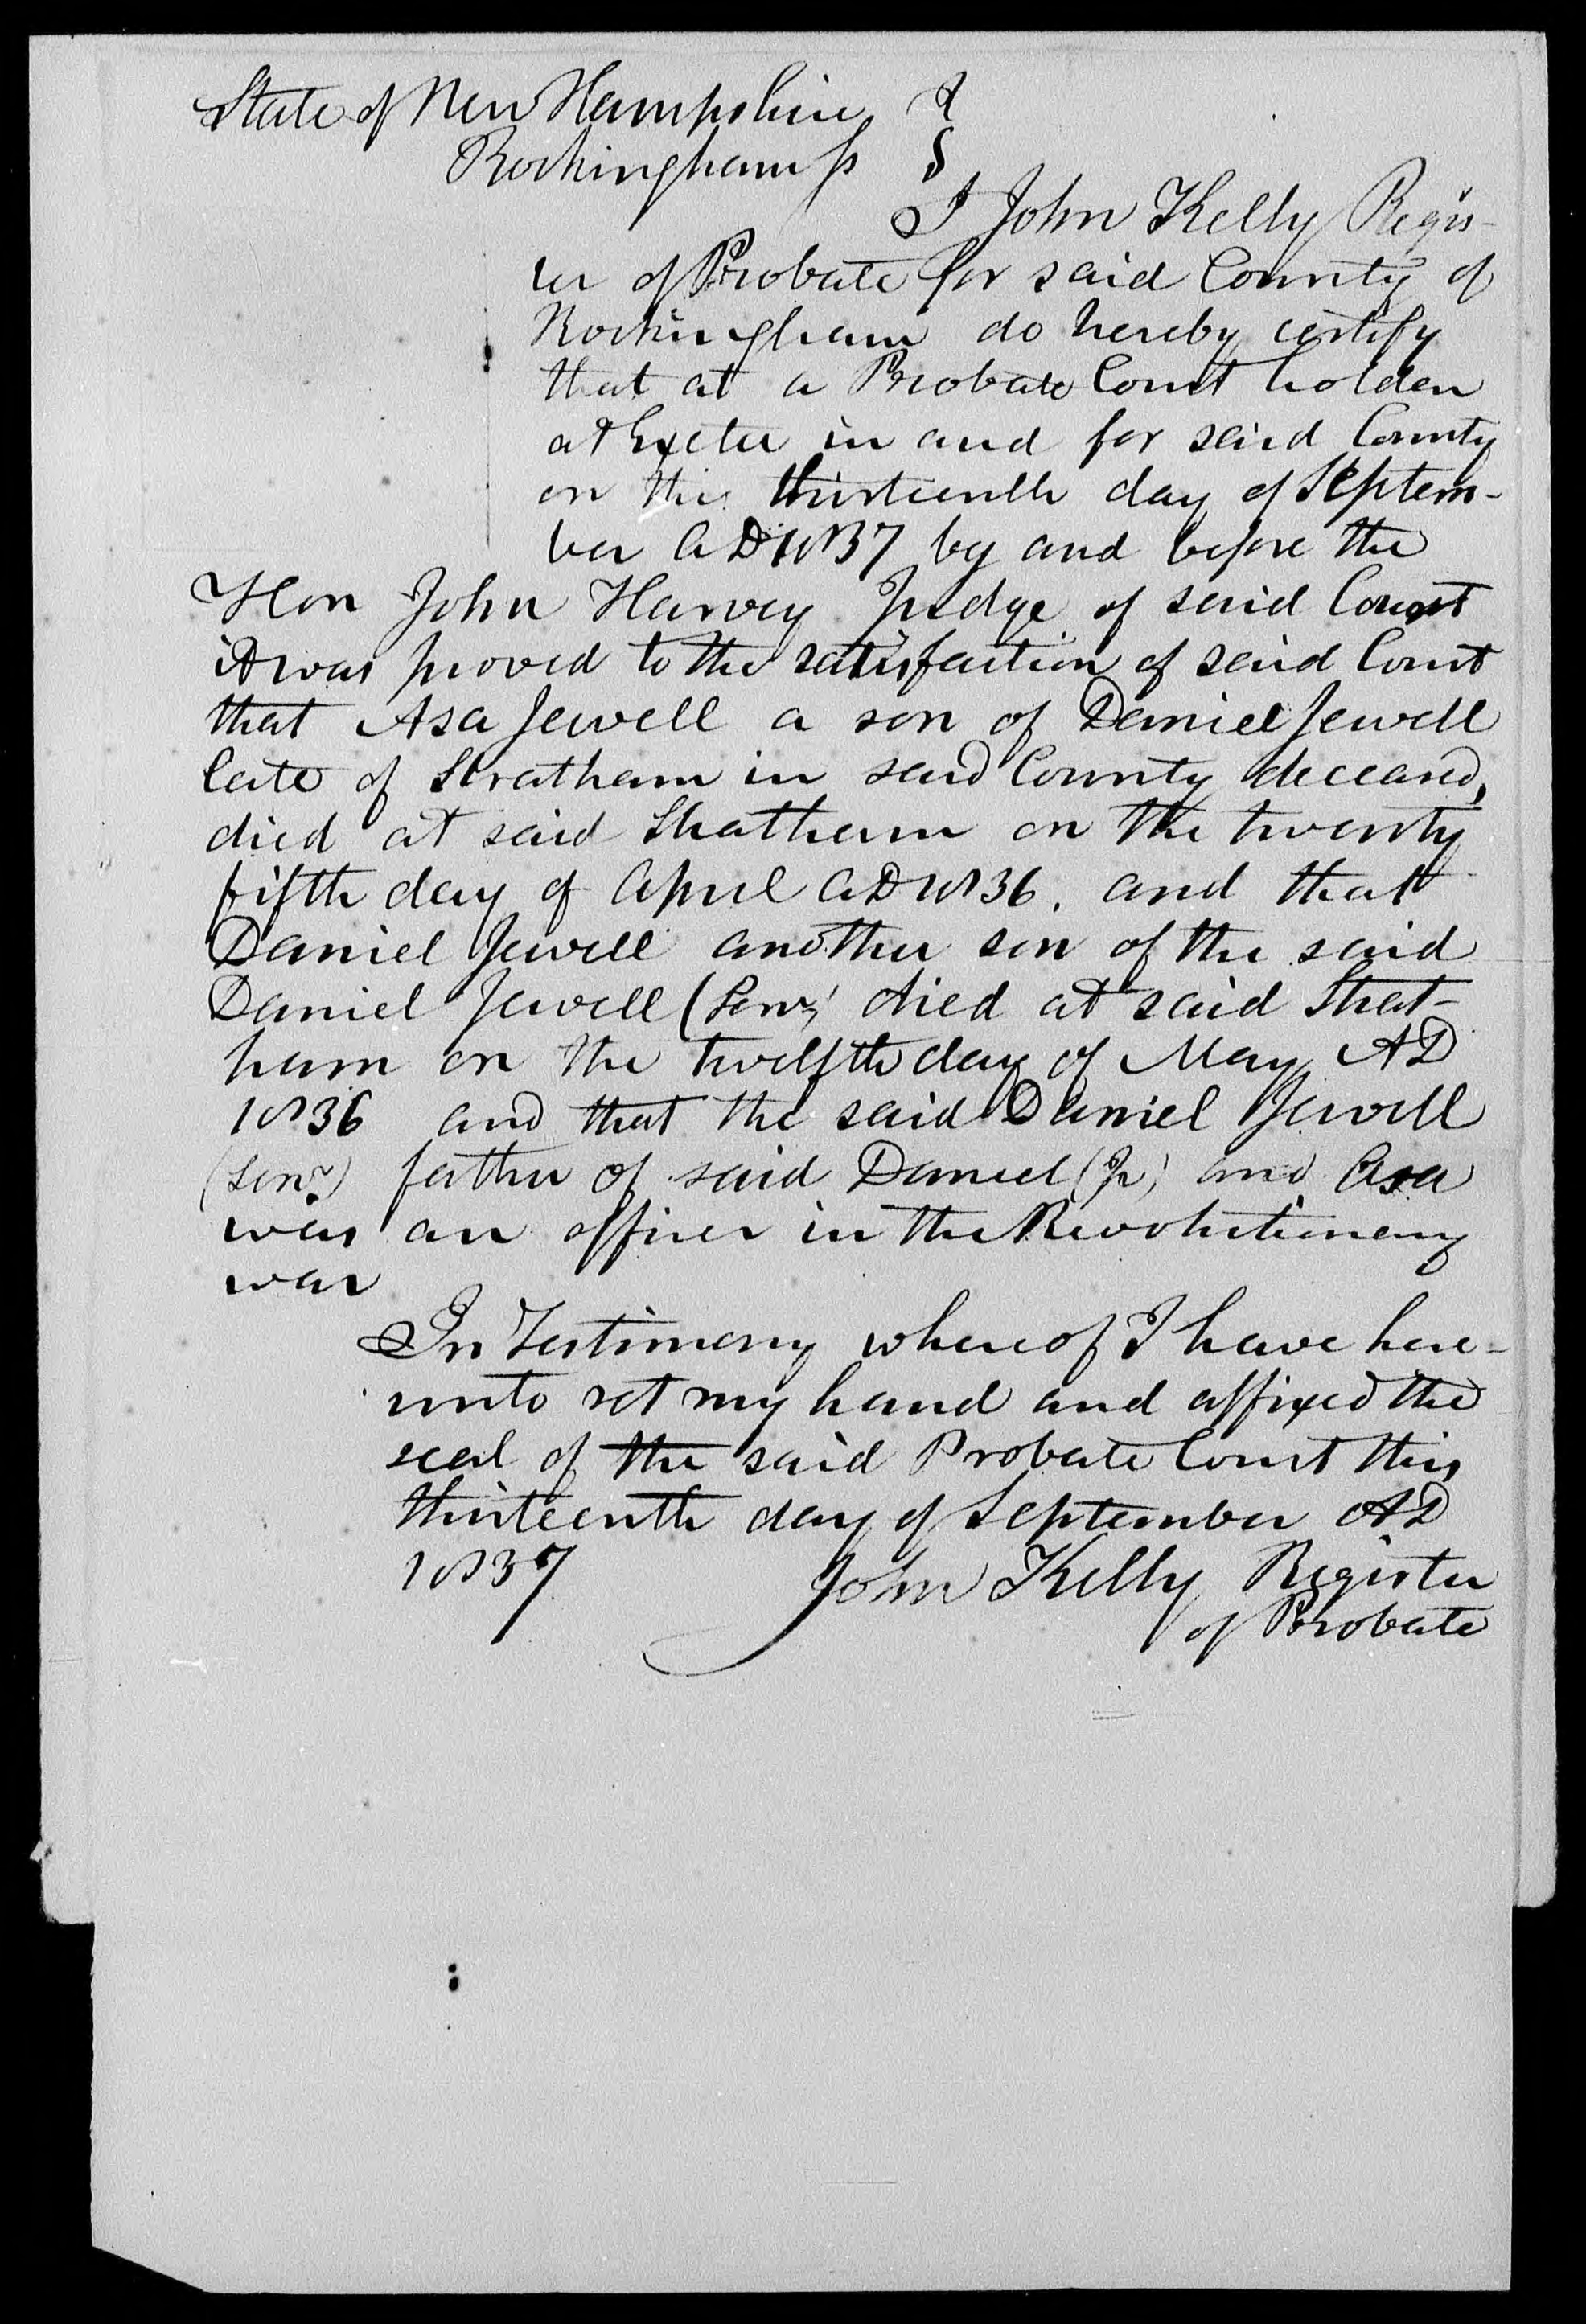State of New Hampshire
Rockingham Ss.
                                      ⎬
I John Kelly Register of Probate for said County
of Rockingham do hereby certify that at a Probate Court holden at Exeter in and for said County on this thirteenth day of September AD 1837 by and before the Hon [HONORABLE] John Harvey Judge of said Court it was proved to the satisfaction of said Court that Asa Jewell a son of Daniel Jewell late of Stratham in said County deceased, died at said Stratham on the twenty fifth day of April AD 1836, and that
Daniel Jewell another son of the said
Daniel Jewell (senior died at said Stratham on the twelfth day of May AD 1836 and that the said Daniel Jewell (senr [SENIOR]) father of said Daniel (Jr) and Asa was an officer in the Revolutionary war.

In Testimony whereof I have hereunto set my hand and affixed the seal of the said
Probate Court this thirteenth day of September A.D 1837
John Kelly Register of Probate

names: John Harvey; Asa Jewell; Daniel Jewell; John Kelly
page: 15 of 35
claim: survivor's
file: S. 10912, for Daniel Jewell, New Hampshire